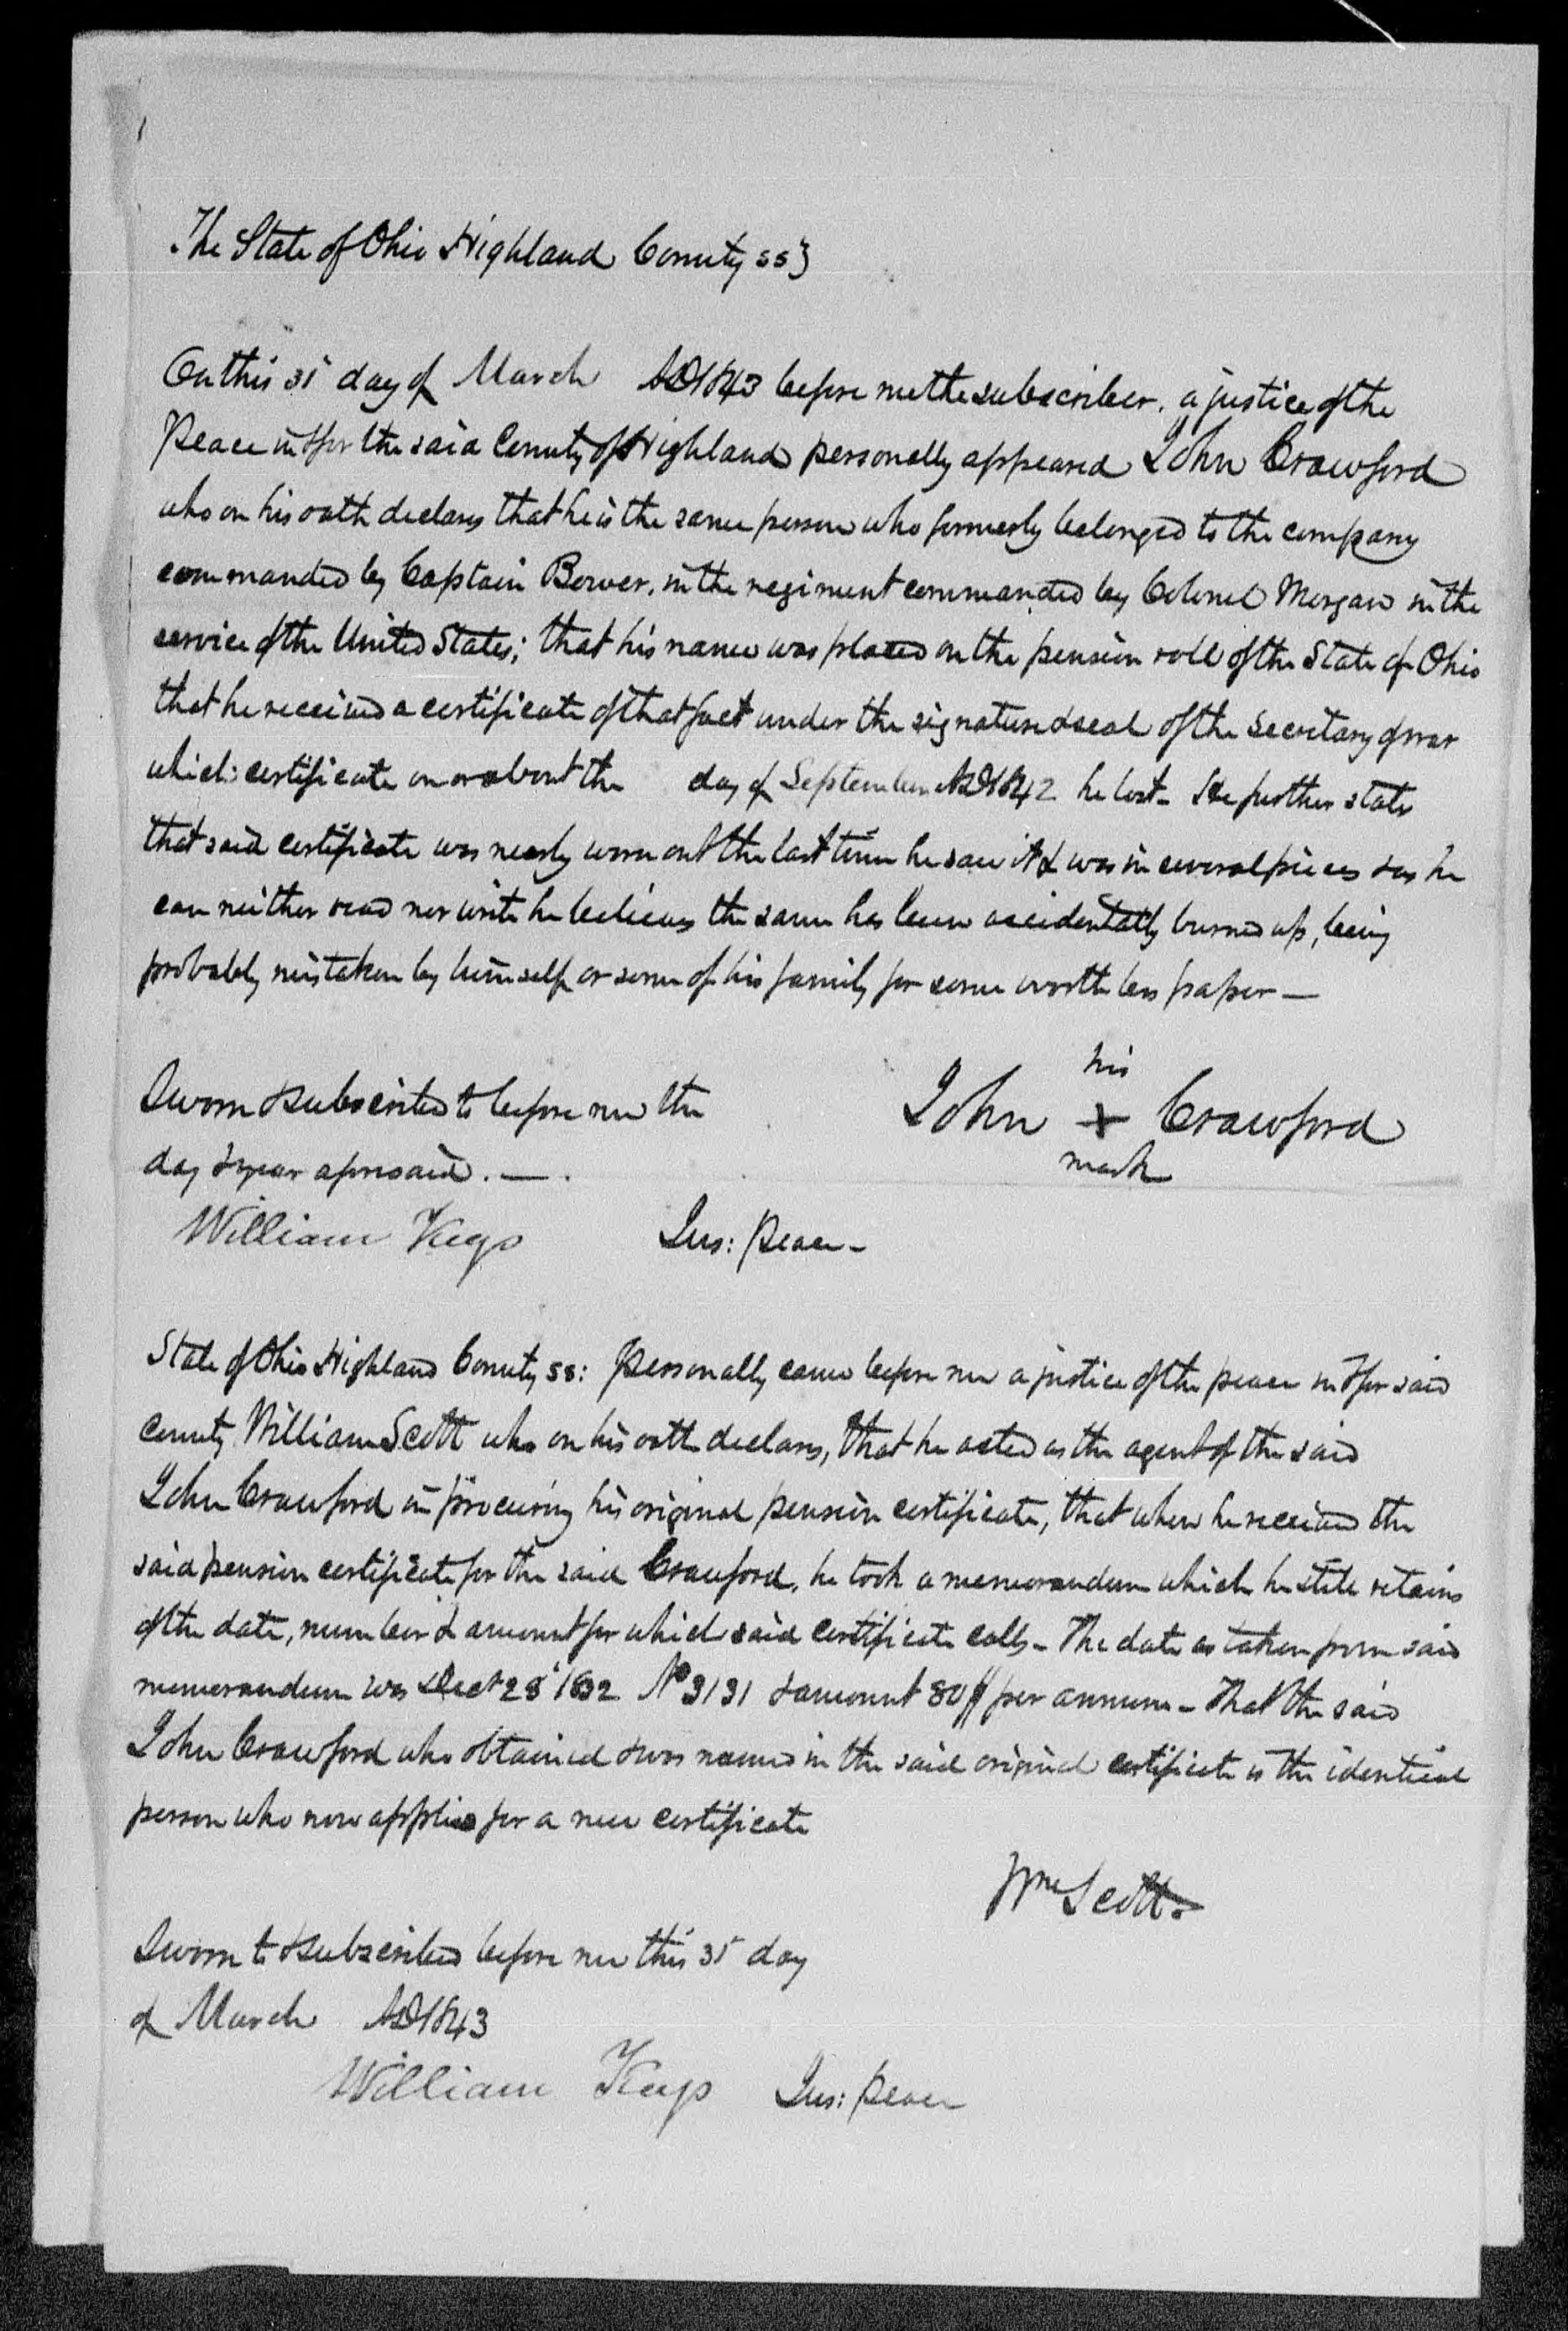The State of Ohio Highland County SS

On this 31 day of March AD 1843 before me the subscriber, a justice of the Peace in & for the said County of Highland personally appeared John Crawford who on his oath declares that he is the same person who formerly belonged to the company
commanded by Captain Bower, in the regiment commanded by Colonel Morgan in the
service of the United States; that his name was placed on the pension roll of the State of Ohio
that he received a certificate of that fact under the signature seal of the secretary of war
which certificate on or about the day of September AD 1842 he lost. He further state
that said certificate was nearly worn out the last time he saw it & was in several pieces as he can neither read nor write he believes the same has been accidentally burned up, being
probably mistaken by himself or some of his family for some worthless paper -

Sworn & subscribed before me this
day & year apraised.-

John Crawford
his X mark

William Keys  Jus. Peace-


State of Ohio Highland County SS: Personally came before me a justice of the peace in the said County William Scott who on his oath declares, that he acted as the agent of the said
John Crawford in procuring his original pension certificate, that when he receive the
said pension certificate for the said Crawford, he took a memorandum which he still retains
of the date, number & amount for which said certificate calls. The date as taken from said
memorandum was Decr 28 1832 No 3131 & amount 80$ per annum. That he said
John Crawford who obtained our names in the said original certificate is the identical
person who now applied for a new certificate

Wm Scott

Sworn to & subscribed before me this 31st day 
of March AD 1843
William Keys Jus. Peace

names: William Keys, William Scott, Wm Scott, John Crawford, John Crawford, Morgan, John Crawford, John Crawford, Bower, Crawford, William Keys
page: 25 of 80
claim: widow's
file: W 2070, John Crawford, Penn.